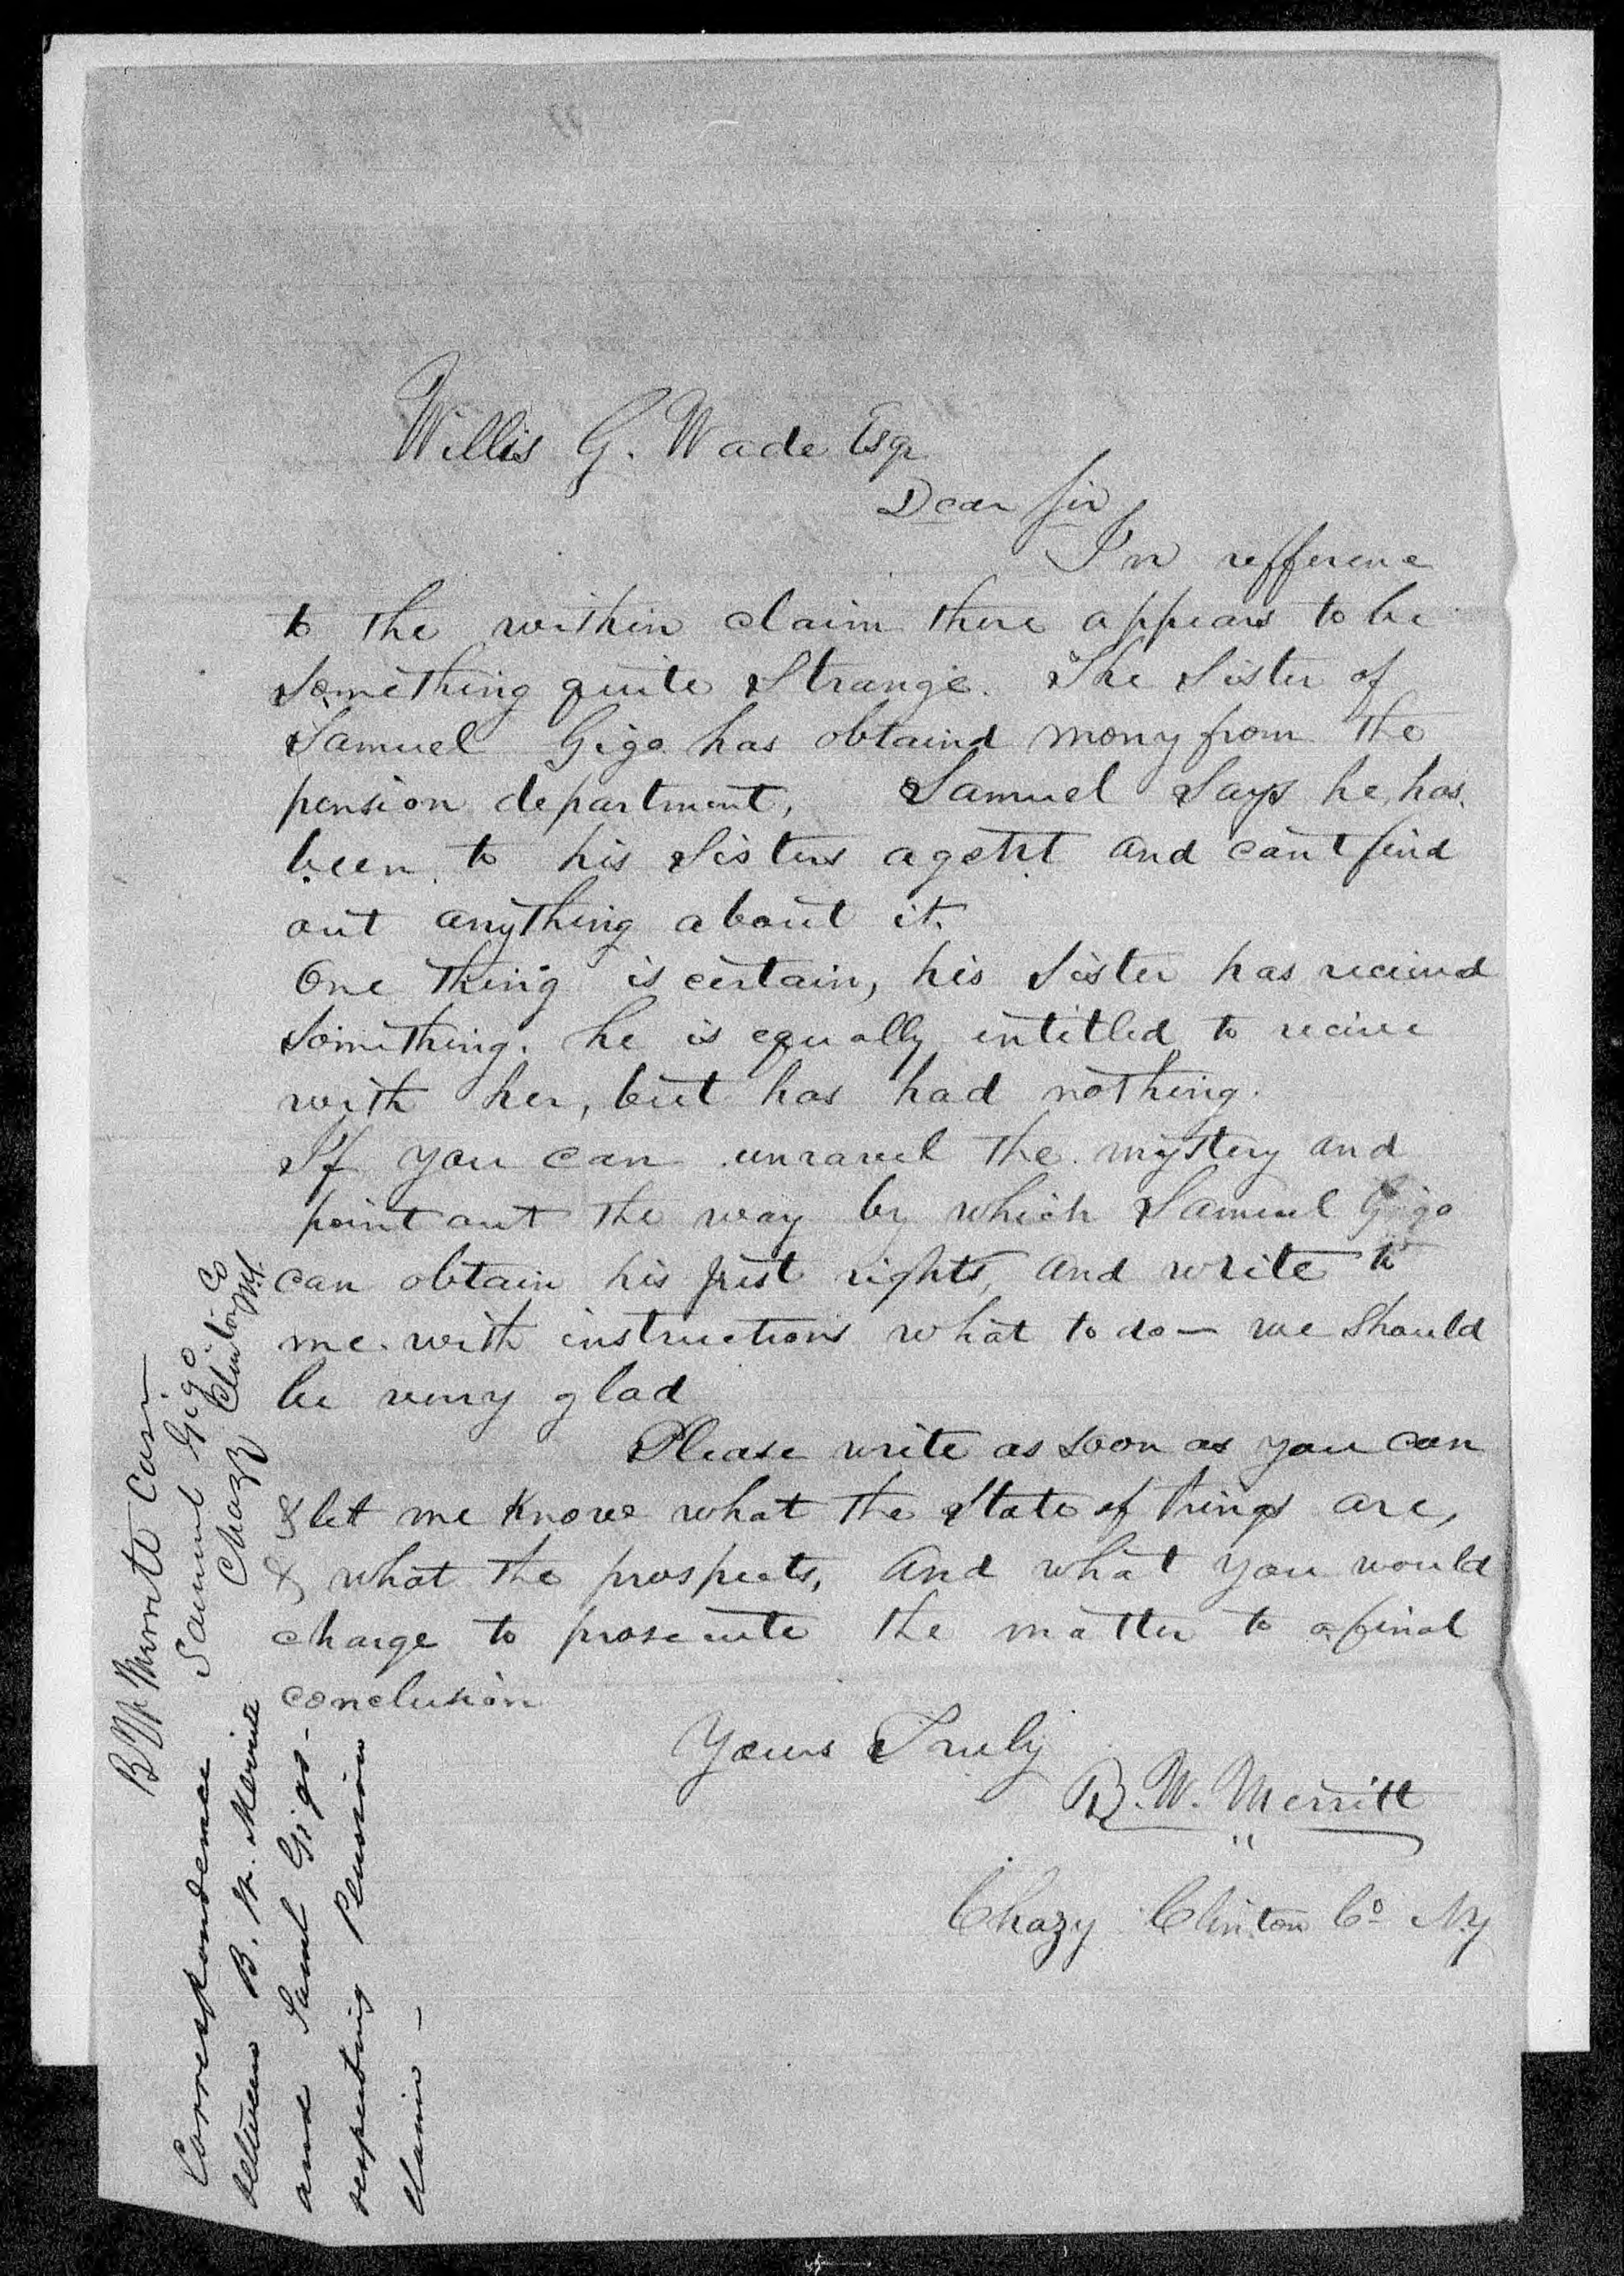Willis G. Wade Esqr.
Dear Sir
In refference to the within claim there appears to be something quite Strange. The Sister of Samuel Gigo has obtained money from the pension department. Samuel Says he has been to his Sisters agetnt and cant find out anything about it.
One thing is certain, his Sister has received something, he is equally entitled to recieve with her but has had nothing.
If you can unravel the mystery and point out the way bi which Samuel Gigo can obtain his just rights, and write to me with instructions what to do - we should be very glad.
Please write as soon as you can & let me know what the State of things are & what the prospects. And what you would charge to prosecute the matter to a final conclusion.
Yours Truly
B. W. Merritt
Chazy Clinton County

(on the side)
Correspondence between B. W. Merritt and Saml Gigo regarding pension claims

B. W. Merritt Case
Samuel Gigo
Chazy Clinton Co. Mch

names: Saml Gigo, Samuel Gigo, Willis G Wade, B W Merritt, B W Merritt, Samuel Gigo, Samuel, Samuel Gigo, B W Merritt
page: 49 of 98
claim: widow's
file: W. 21182, Francis Gigo, Continental (Canadian)